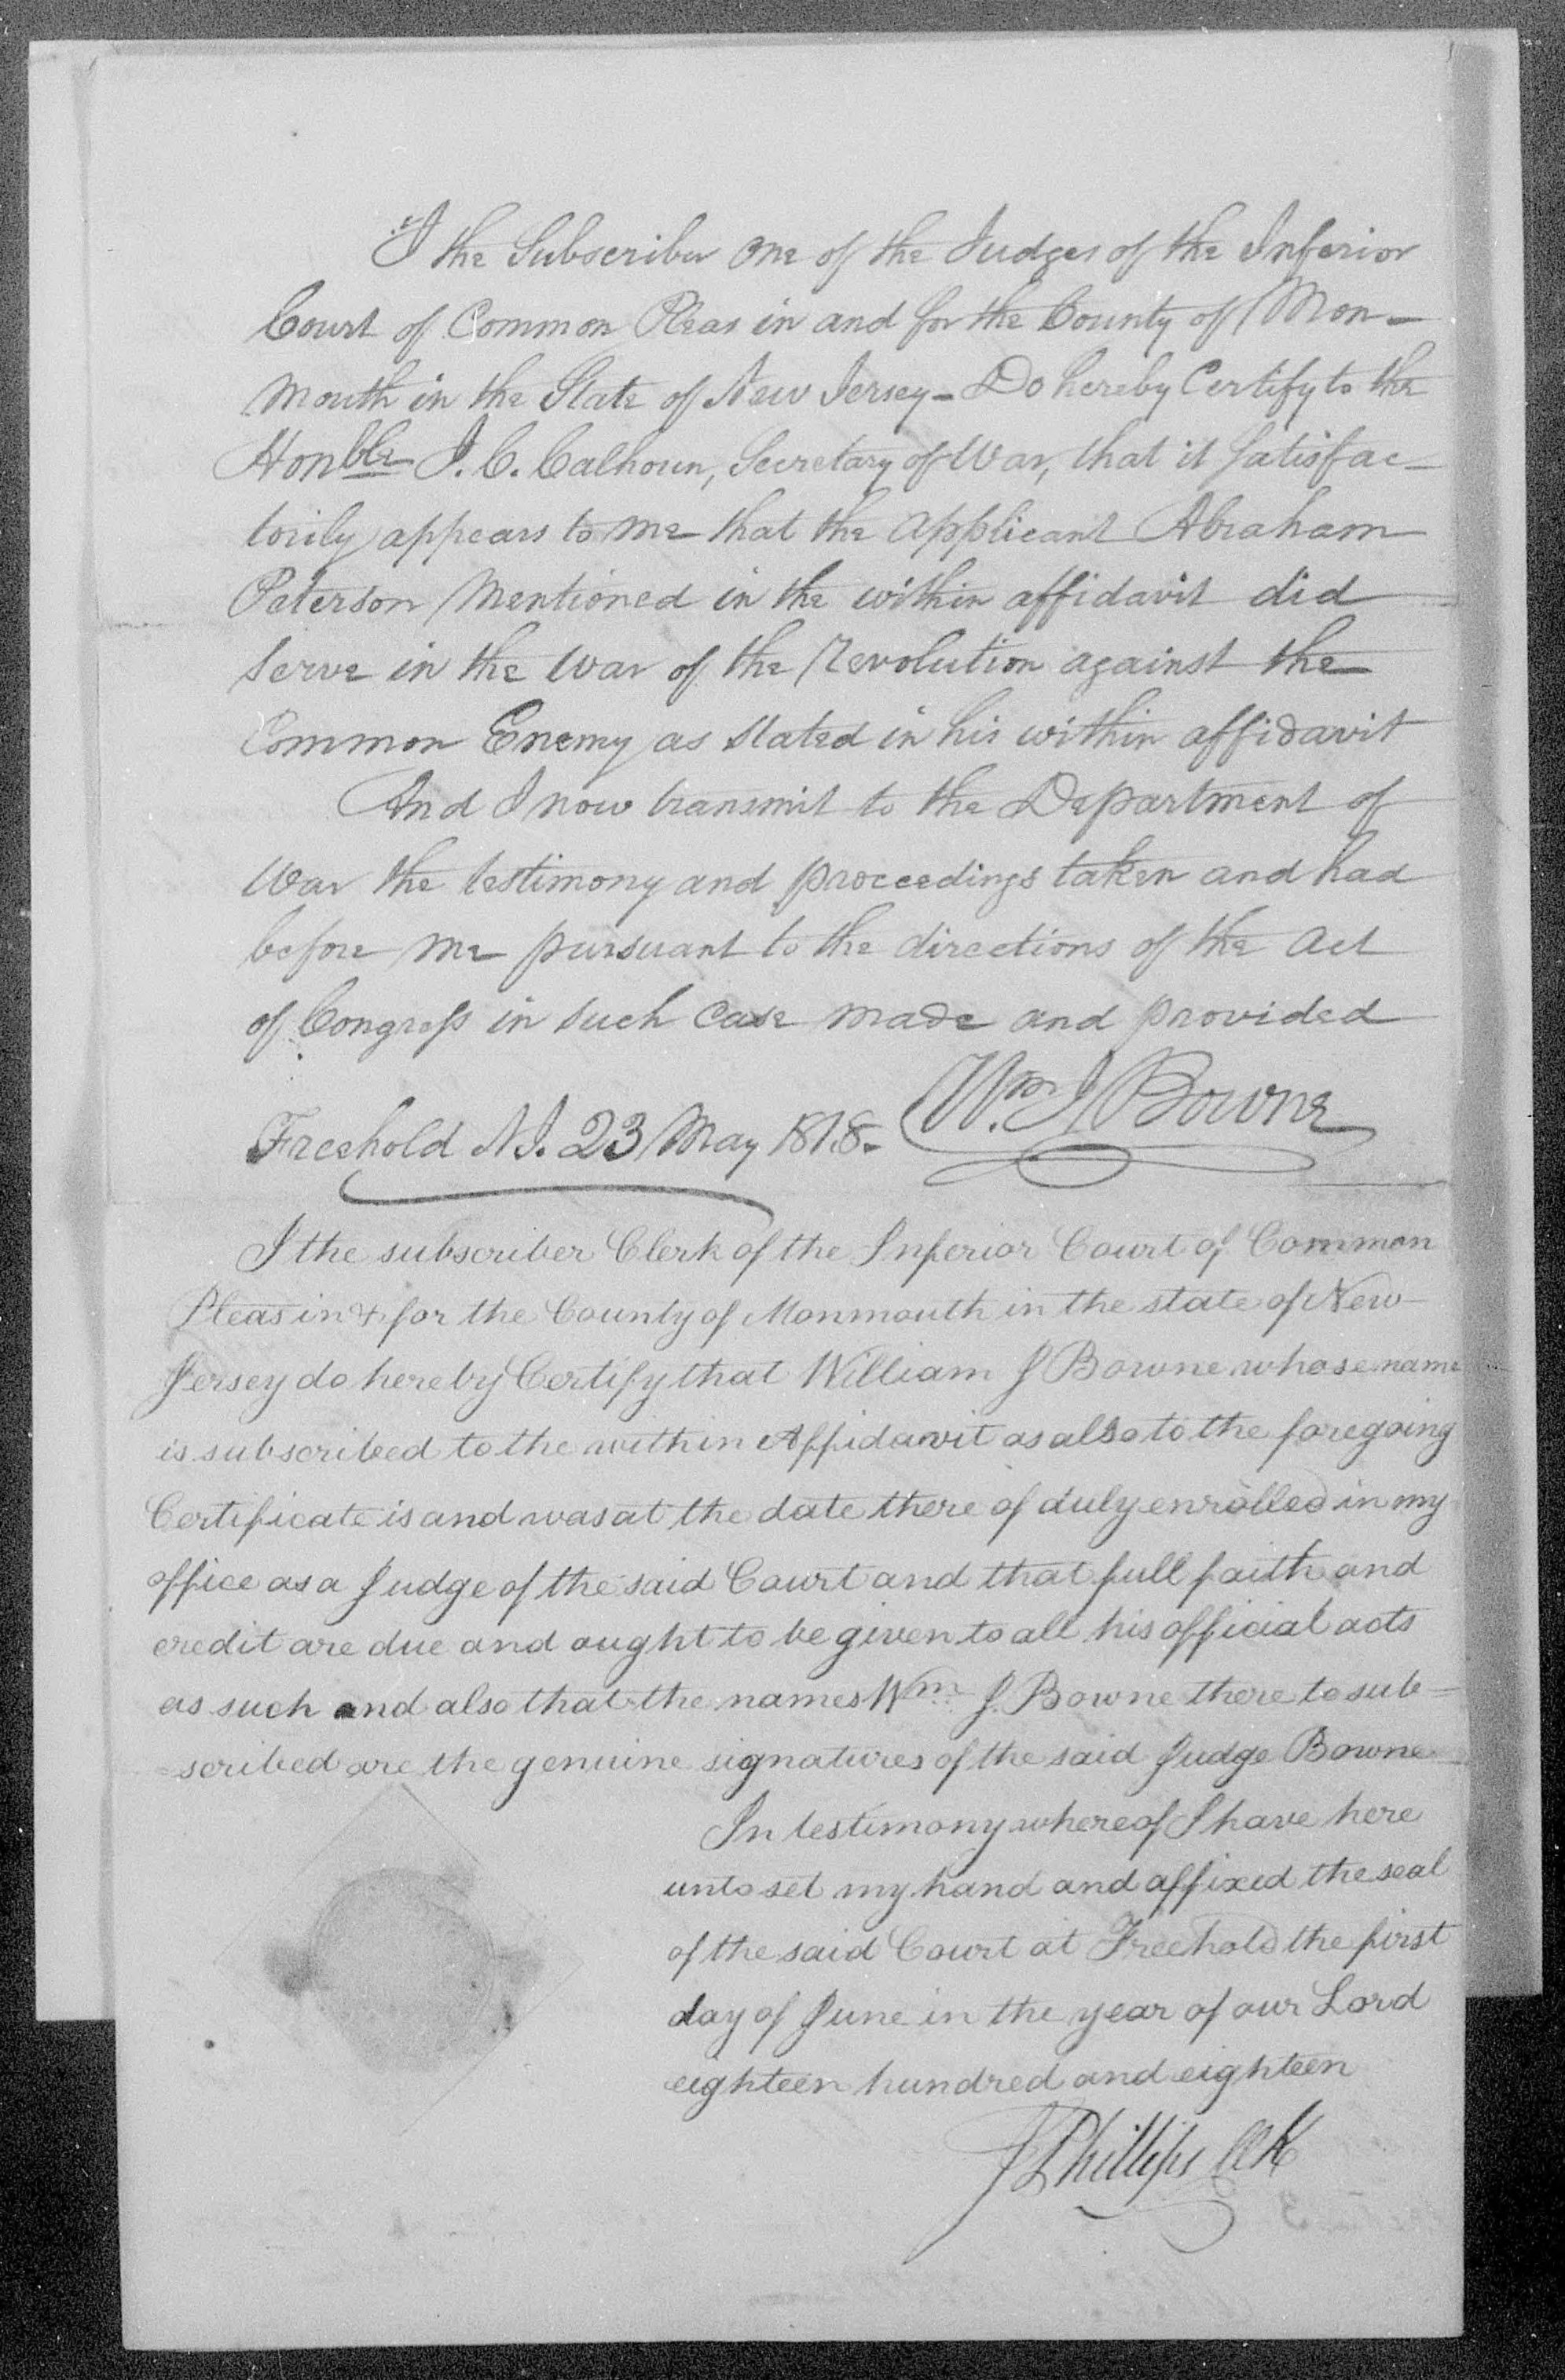I the Subscriber one of the Judges of the Inferior
Court of Common Pleas in and for the County of Monmouth
in the State of New Jersey - Do hereby certify to the 
Honble J.C. Calhoun, Secretary of War, that it satisfac
torily appears to me that the applicant Abraham
Peterson mentioned in the within affidavit did
serve in the war of the Revolution against the
Common Enemy as stated in his within affidavit
  And I now transmit to the Department of
war the testimony and proceedings taken and had
before me pursuant to the directions of the act
of Congress in such case made and provided
Freehold N. 23 May 1818-    Wm. J Bowne

  I the subscriber Clerk of the Inferior Court of Common
Pleas in & for the County of Monmouth in the State of New Jersey do hereby certify that William J Bowne whose name
is subscribed to the within Affidavit as also to the foregoing
Certificate is and was at the date thereof duly enrolled in my
office as a Judge of the said Court and that full faith and
credit are due and ought to be given to all his official acts
as such and also that the names Wm J. Bowne there to subscribed are the genuine signatures of the said Judge Bowne

[seal]

In testimony whereof I have here
unto set my hand and affixed the seal
of the said Court at Freehold the first
day of June in the year of our Lord
eighteen hundred and eighteen

                                  J. Phillips, Clk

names: Abraham Peterson; William J Bowne; J Phillips; Judge Bowne; J C Calhoun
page: 5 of 12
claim: survivor's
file: S. 34,471, for Abraham Peterson, New Jersey